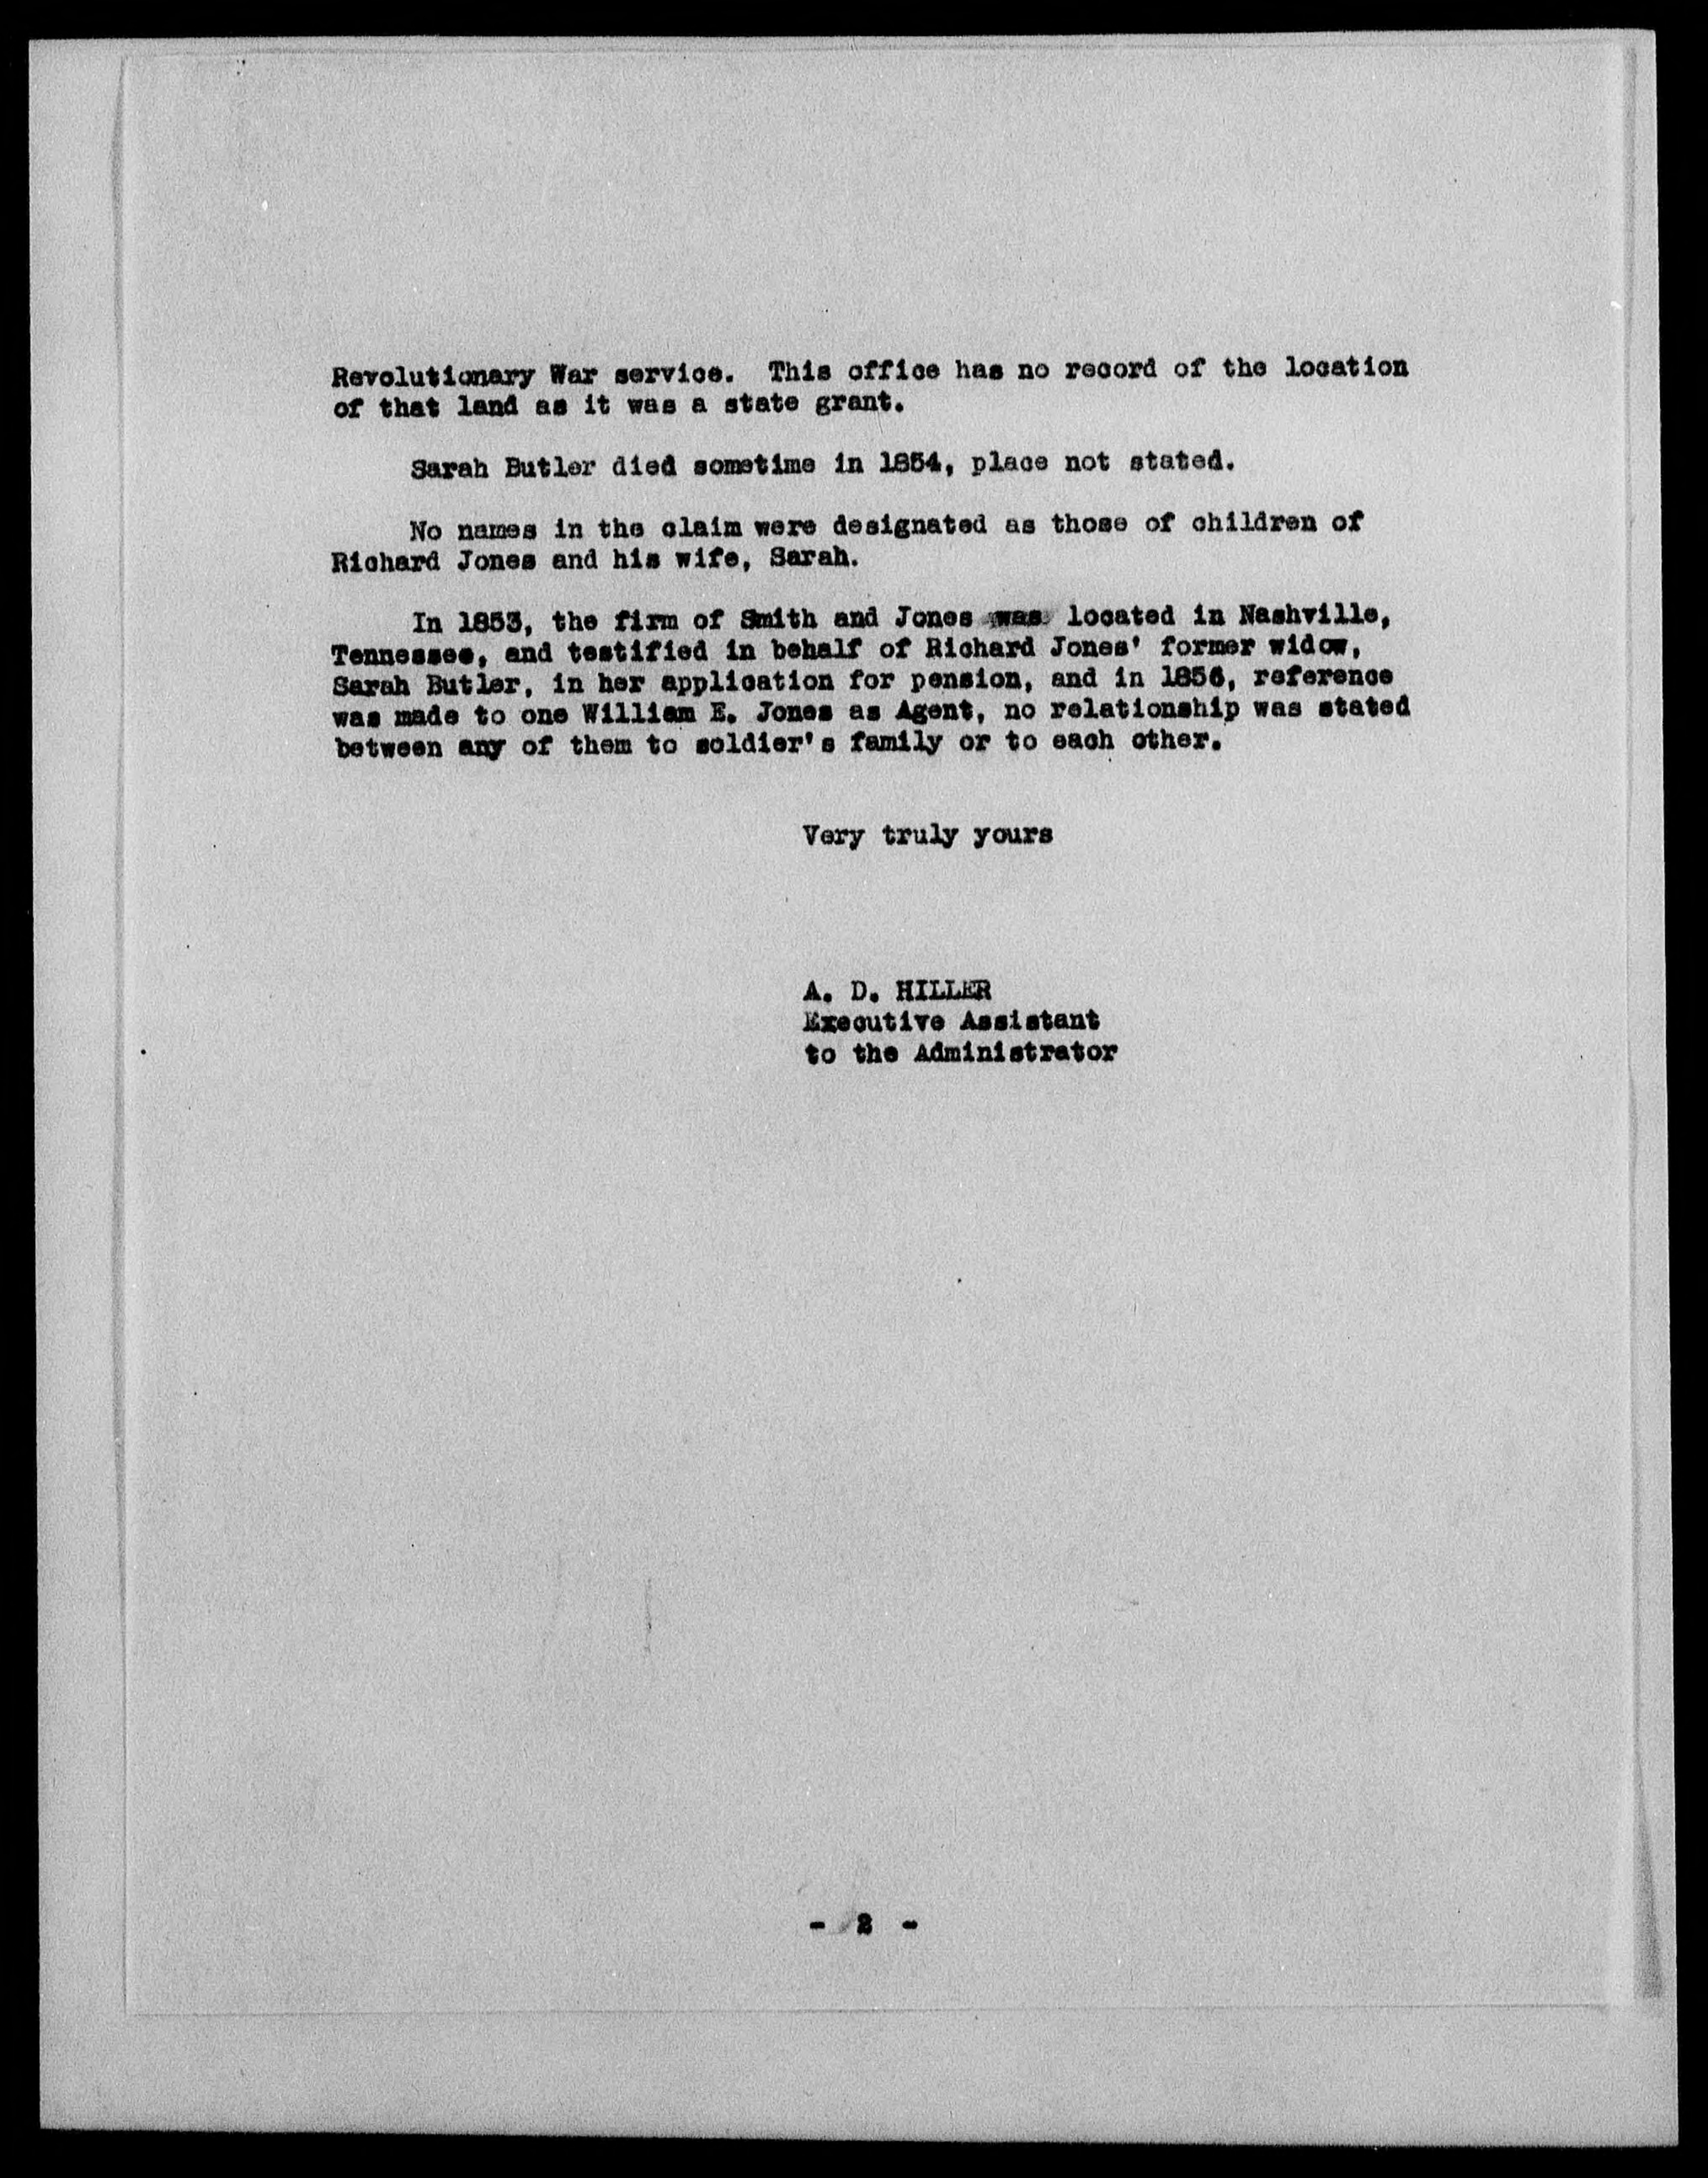Revolutionary War service.  This office has no record of the location 
of that land as it was a state grant.

Sarah Butler died sometime in 1854, place not stated.

No names in the claim were designated as those of children of 
Richard Jones and his wife, Sarah.

In 1853, the firm of Smith and Jones was located in Nashville, 
Tennessee, and testified in behalf of Richard Jones' former widow, 
Sarah Butler, in her application for pension, and in 1856, reference
was made to one William E. Jones as Agent, no relationship was stated
between any of them to soldier's family or to each other.

Very truly yours

A. D. HILLER
Executive Assistant
to the Administrator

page: 12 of 33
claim: rejected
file: R. 1554, for Richard Jones, North Carolina